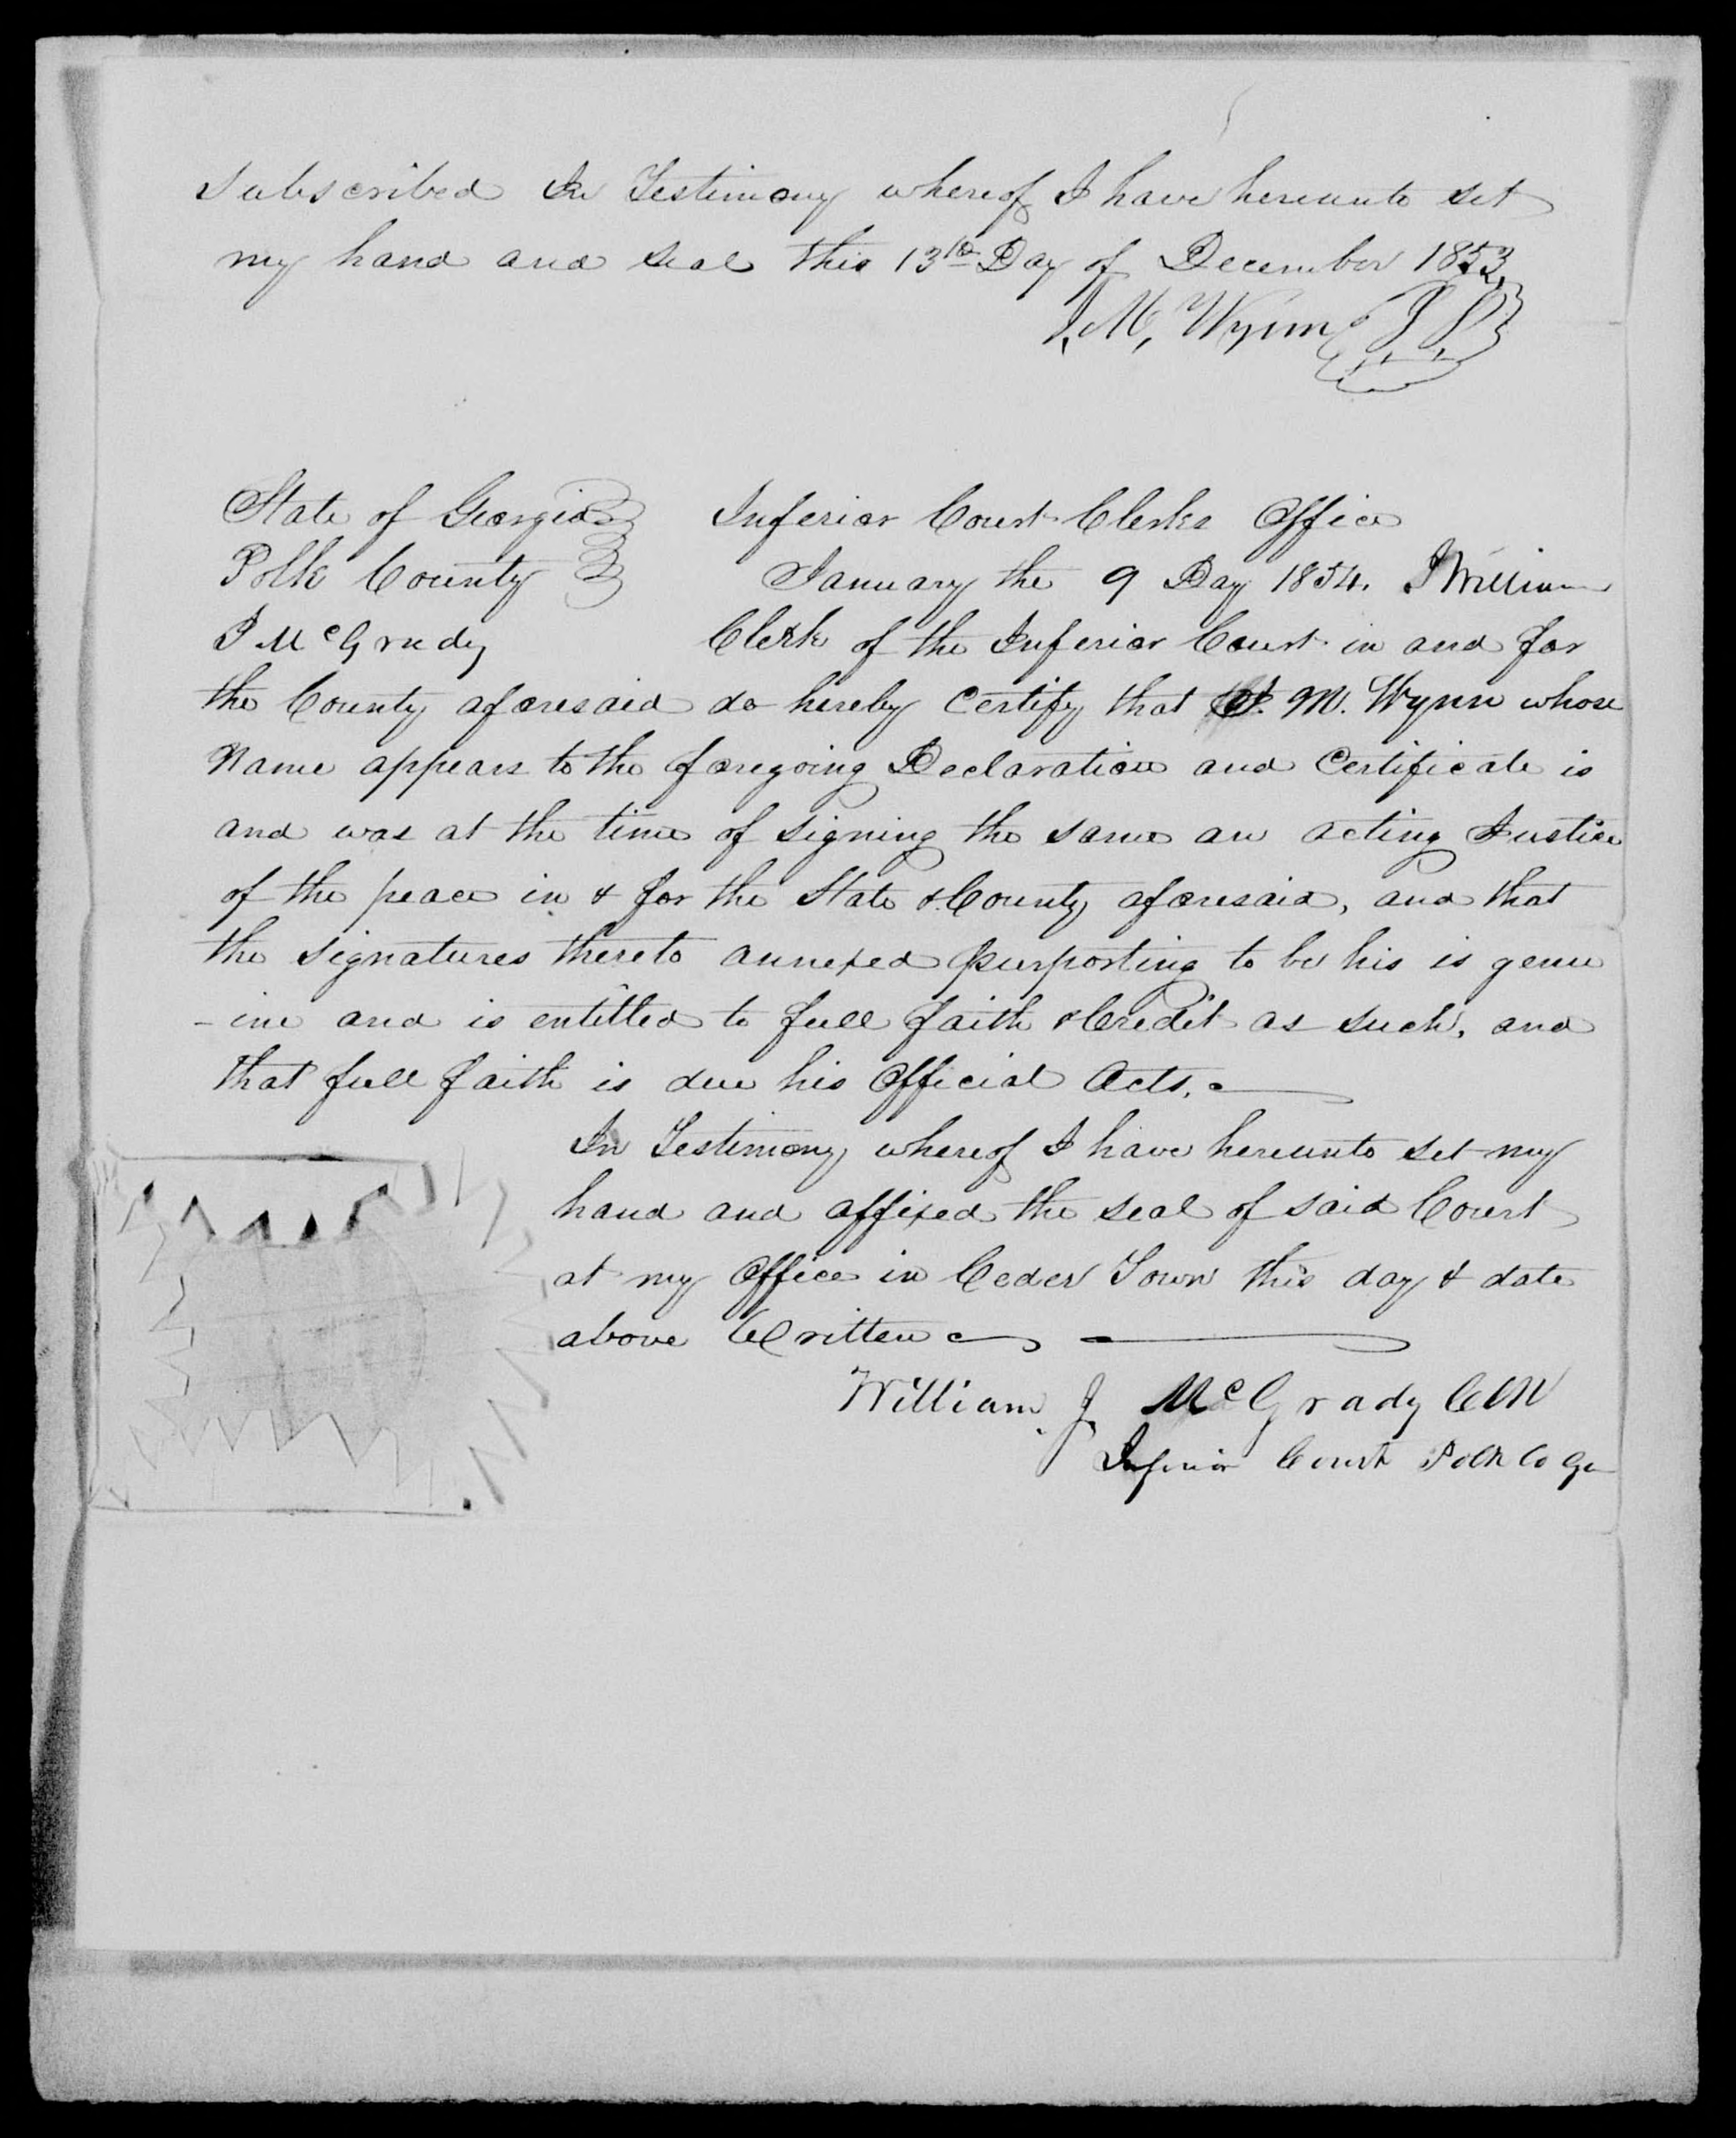subscribed in testimony whereof I have hereunto set my hand and seal this 13th day of December 1853. J.M Wynn J.P.

State of Georgia Polk County
Inferior Court Clerk Office
January the 9th day of 1854. William J McGrady
Clerk of the Inferior Court in and for this county aforesaid do hereby certify that J. M. Wynn whose name appears to the forgoing declaration and certificate is and was at the time of signing the same an acting Justice of the Peace in & for the State & county aforesaid, and that the signatures thereto annexed purporting to be his is genuine and is entitled to full faith & credit as such and that full faith is due his official acts. In testimony where of I have hereunto set my hand and affixed the seal of said court at my office in Ceder Town this day & date above written
William J. McGrady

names: William J Mc Grady, J M Wynn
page: 86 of 108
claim: rejected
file: R. 7,515, John Hudgins, N.C.